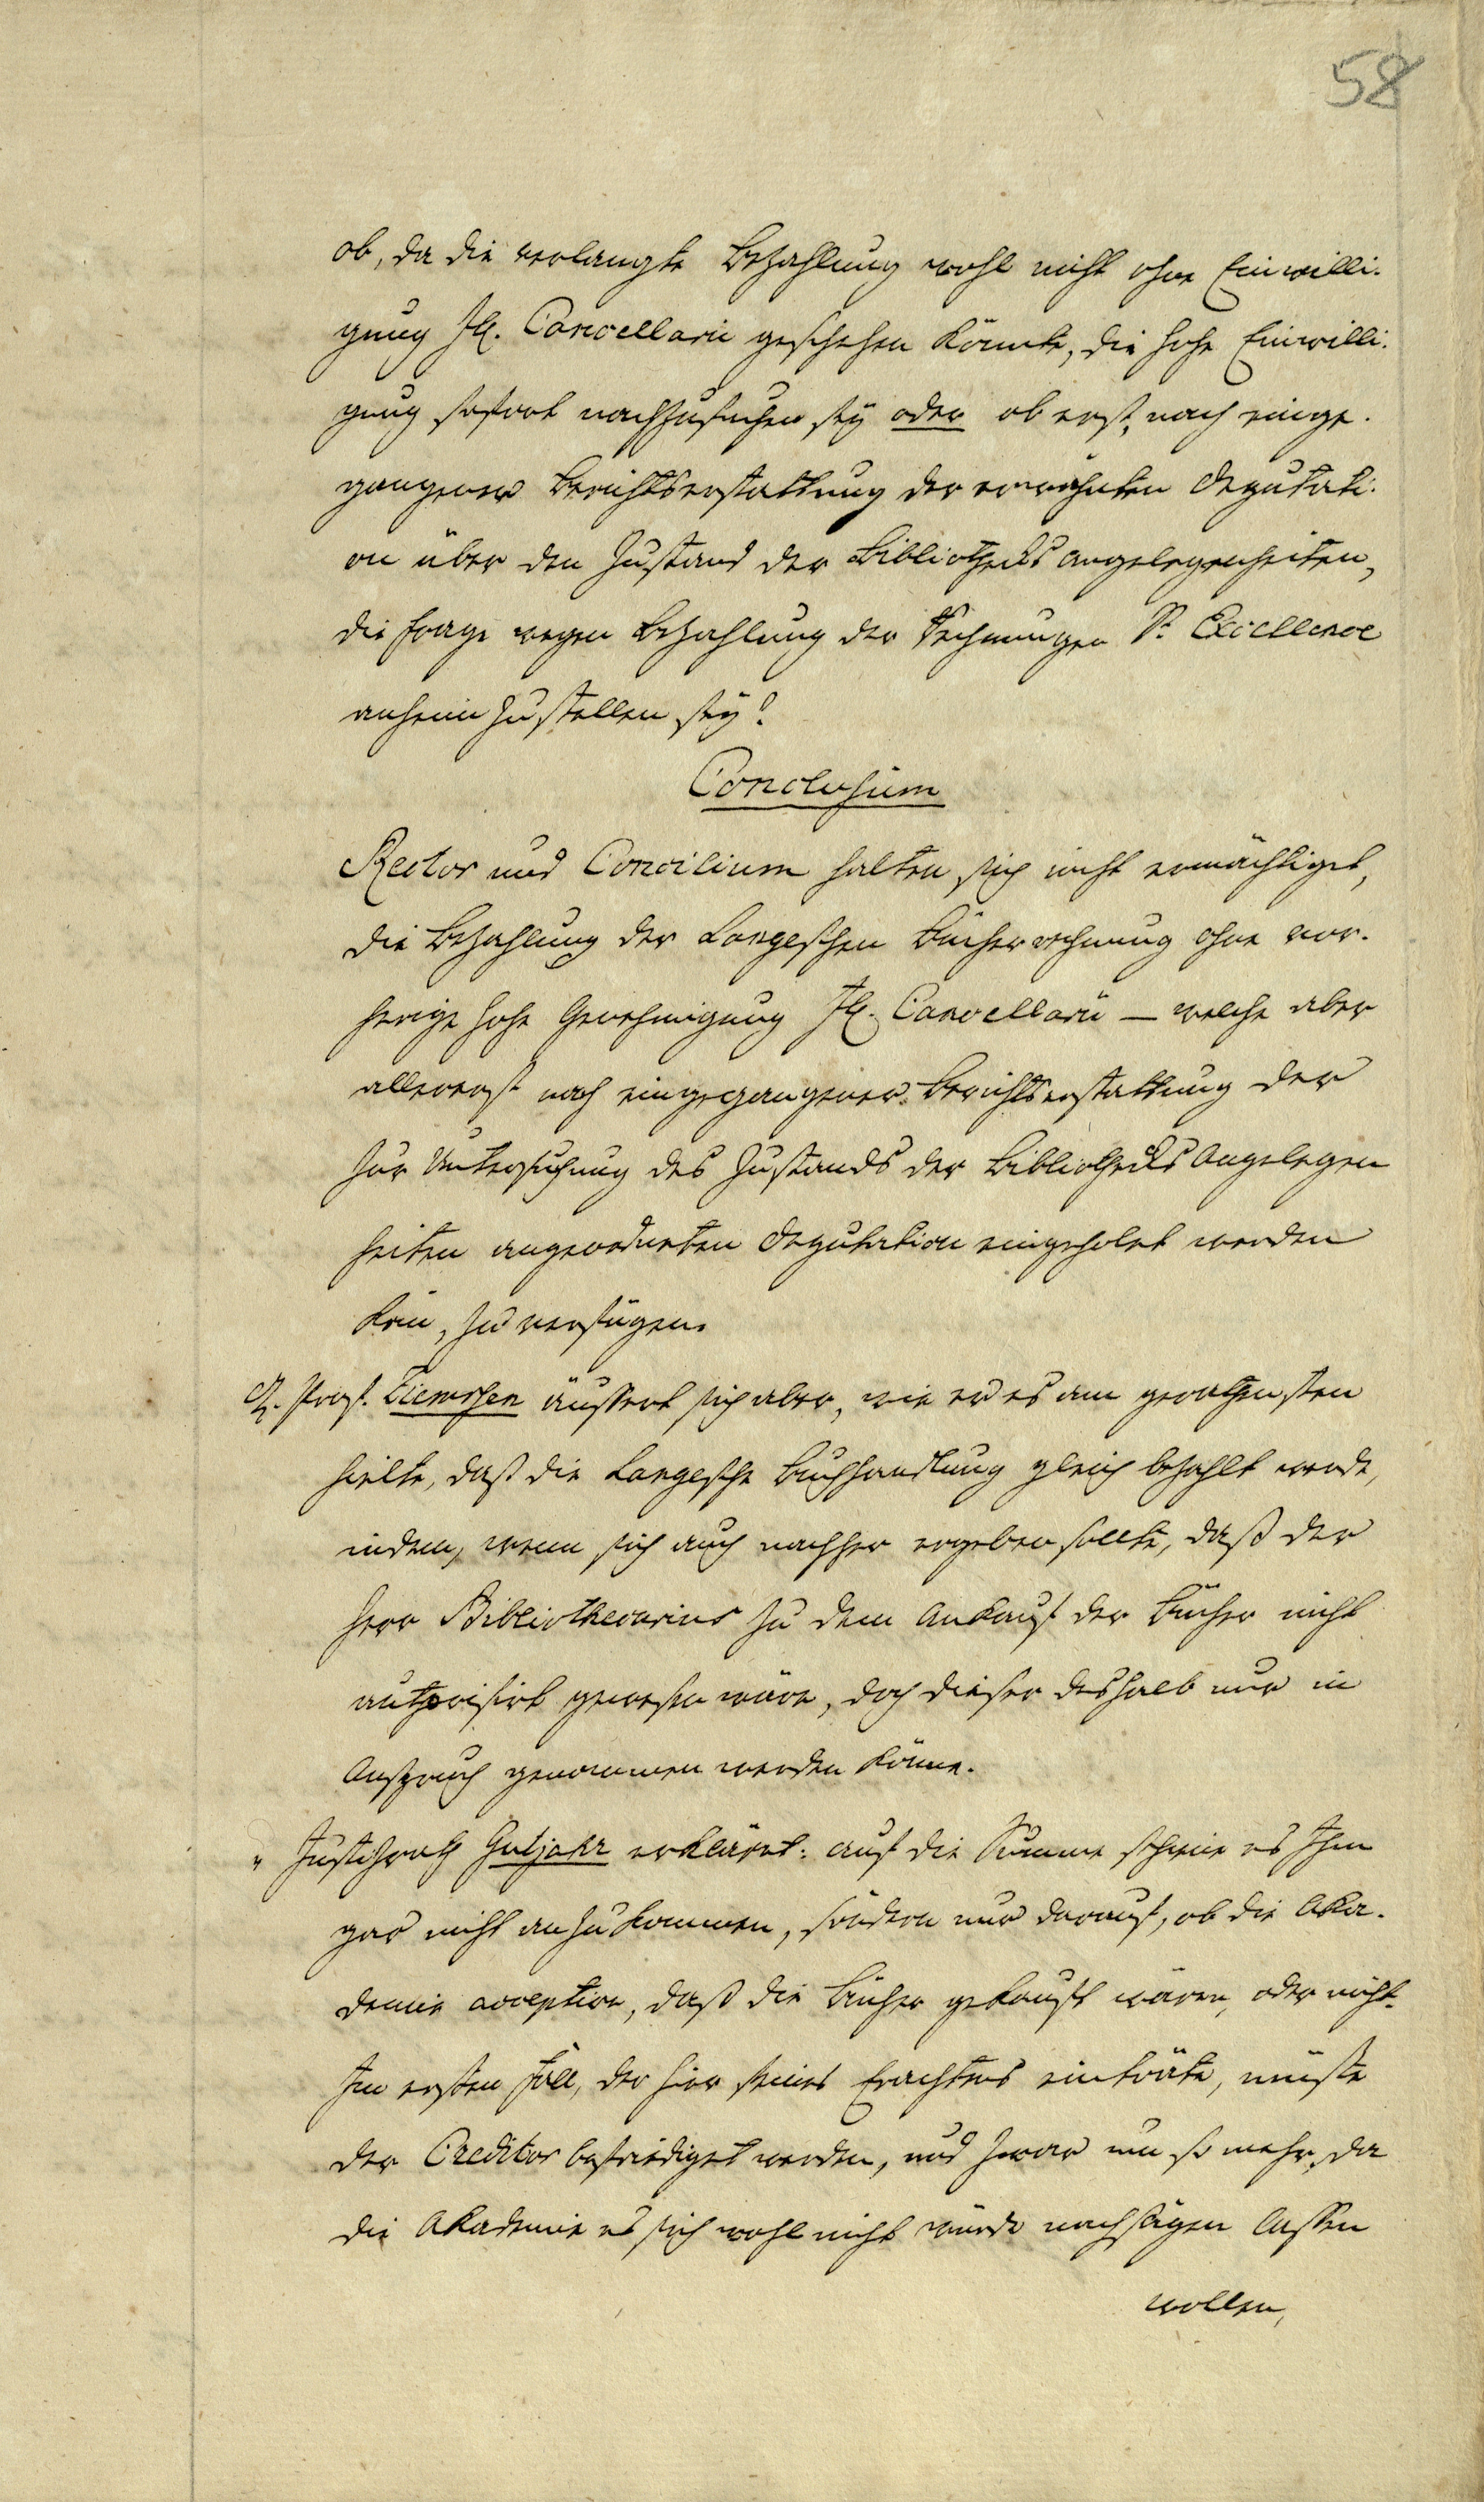ob, da die verlangte Bezahlung wohl nicht ohne Einwilli¬
gung Ill. Cancellarii geschehen könnte, die hohe Einwilli¬
gung sofort nachzusuchen seÿ oder ob erst, nach einge¬
gangener Berichtserstattung der erwähnten Deputati¬
on über den Zustand der Bibliothecksangelegenheiten,
die Frage wegen Bezahlung der Rechnungen Sr Excellence
anheim zu stellen seÿ?
Conclusum
Rector und Concilium halten sich nicht ermächtiget,
die Bezahlung der Langischen Bücherrechnung ohne vor¬
herige hohe Genehmigung Ill. Cancellarii - welche aber
allererst nach eingegangener Berichtserstattung der
zur Untersuchung des Zustandes der Bibliotheck Angelegen¬
heiten angeordneten Deputation eingeholet werden
kan, zu verfügen.
dh. Prof. Ziemssen äussert sich aber, wie er es am gerathensten
hielte, daß die Largesche Buchandlung gleich bezahlt werde,
indem, wenn sich auch nachher ergeben sollte, daß der
Herr Bibliothecarius zu dem Ankauf der Bücher nicht
authorisirt gewesen wäre, doch dieser deshalb nur in
Anspruch genommen werden könne.
Justizrath Gutjahr erkläret: auf die Summe scheine es Ihm
gar nicht anzukommen, sondern nur darauf, ob die Aka¬
demie acceptire, daß die Bücher gekauft wären, oder nicht.
Im ersten Fall, der hier seines Erachtens einträte, müßte
der Creditor befriediget werden, und zwar um so mehr, da
die Akademie es sich wohl nicht würde nachsagen lassen
wollen